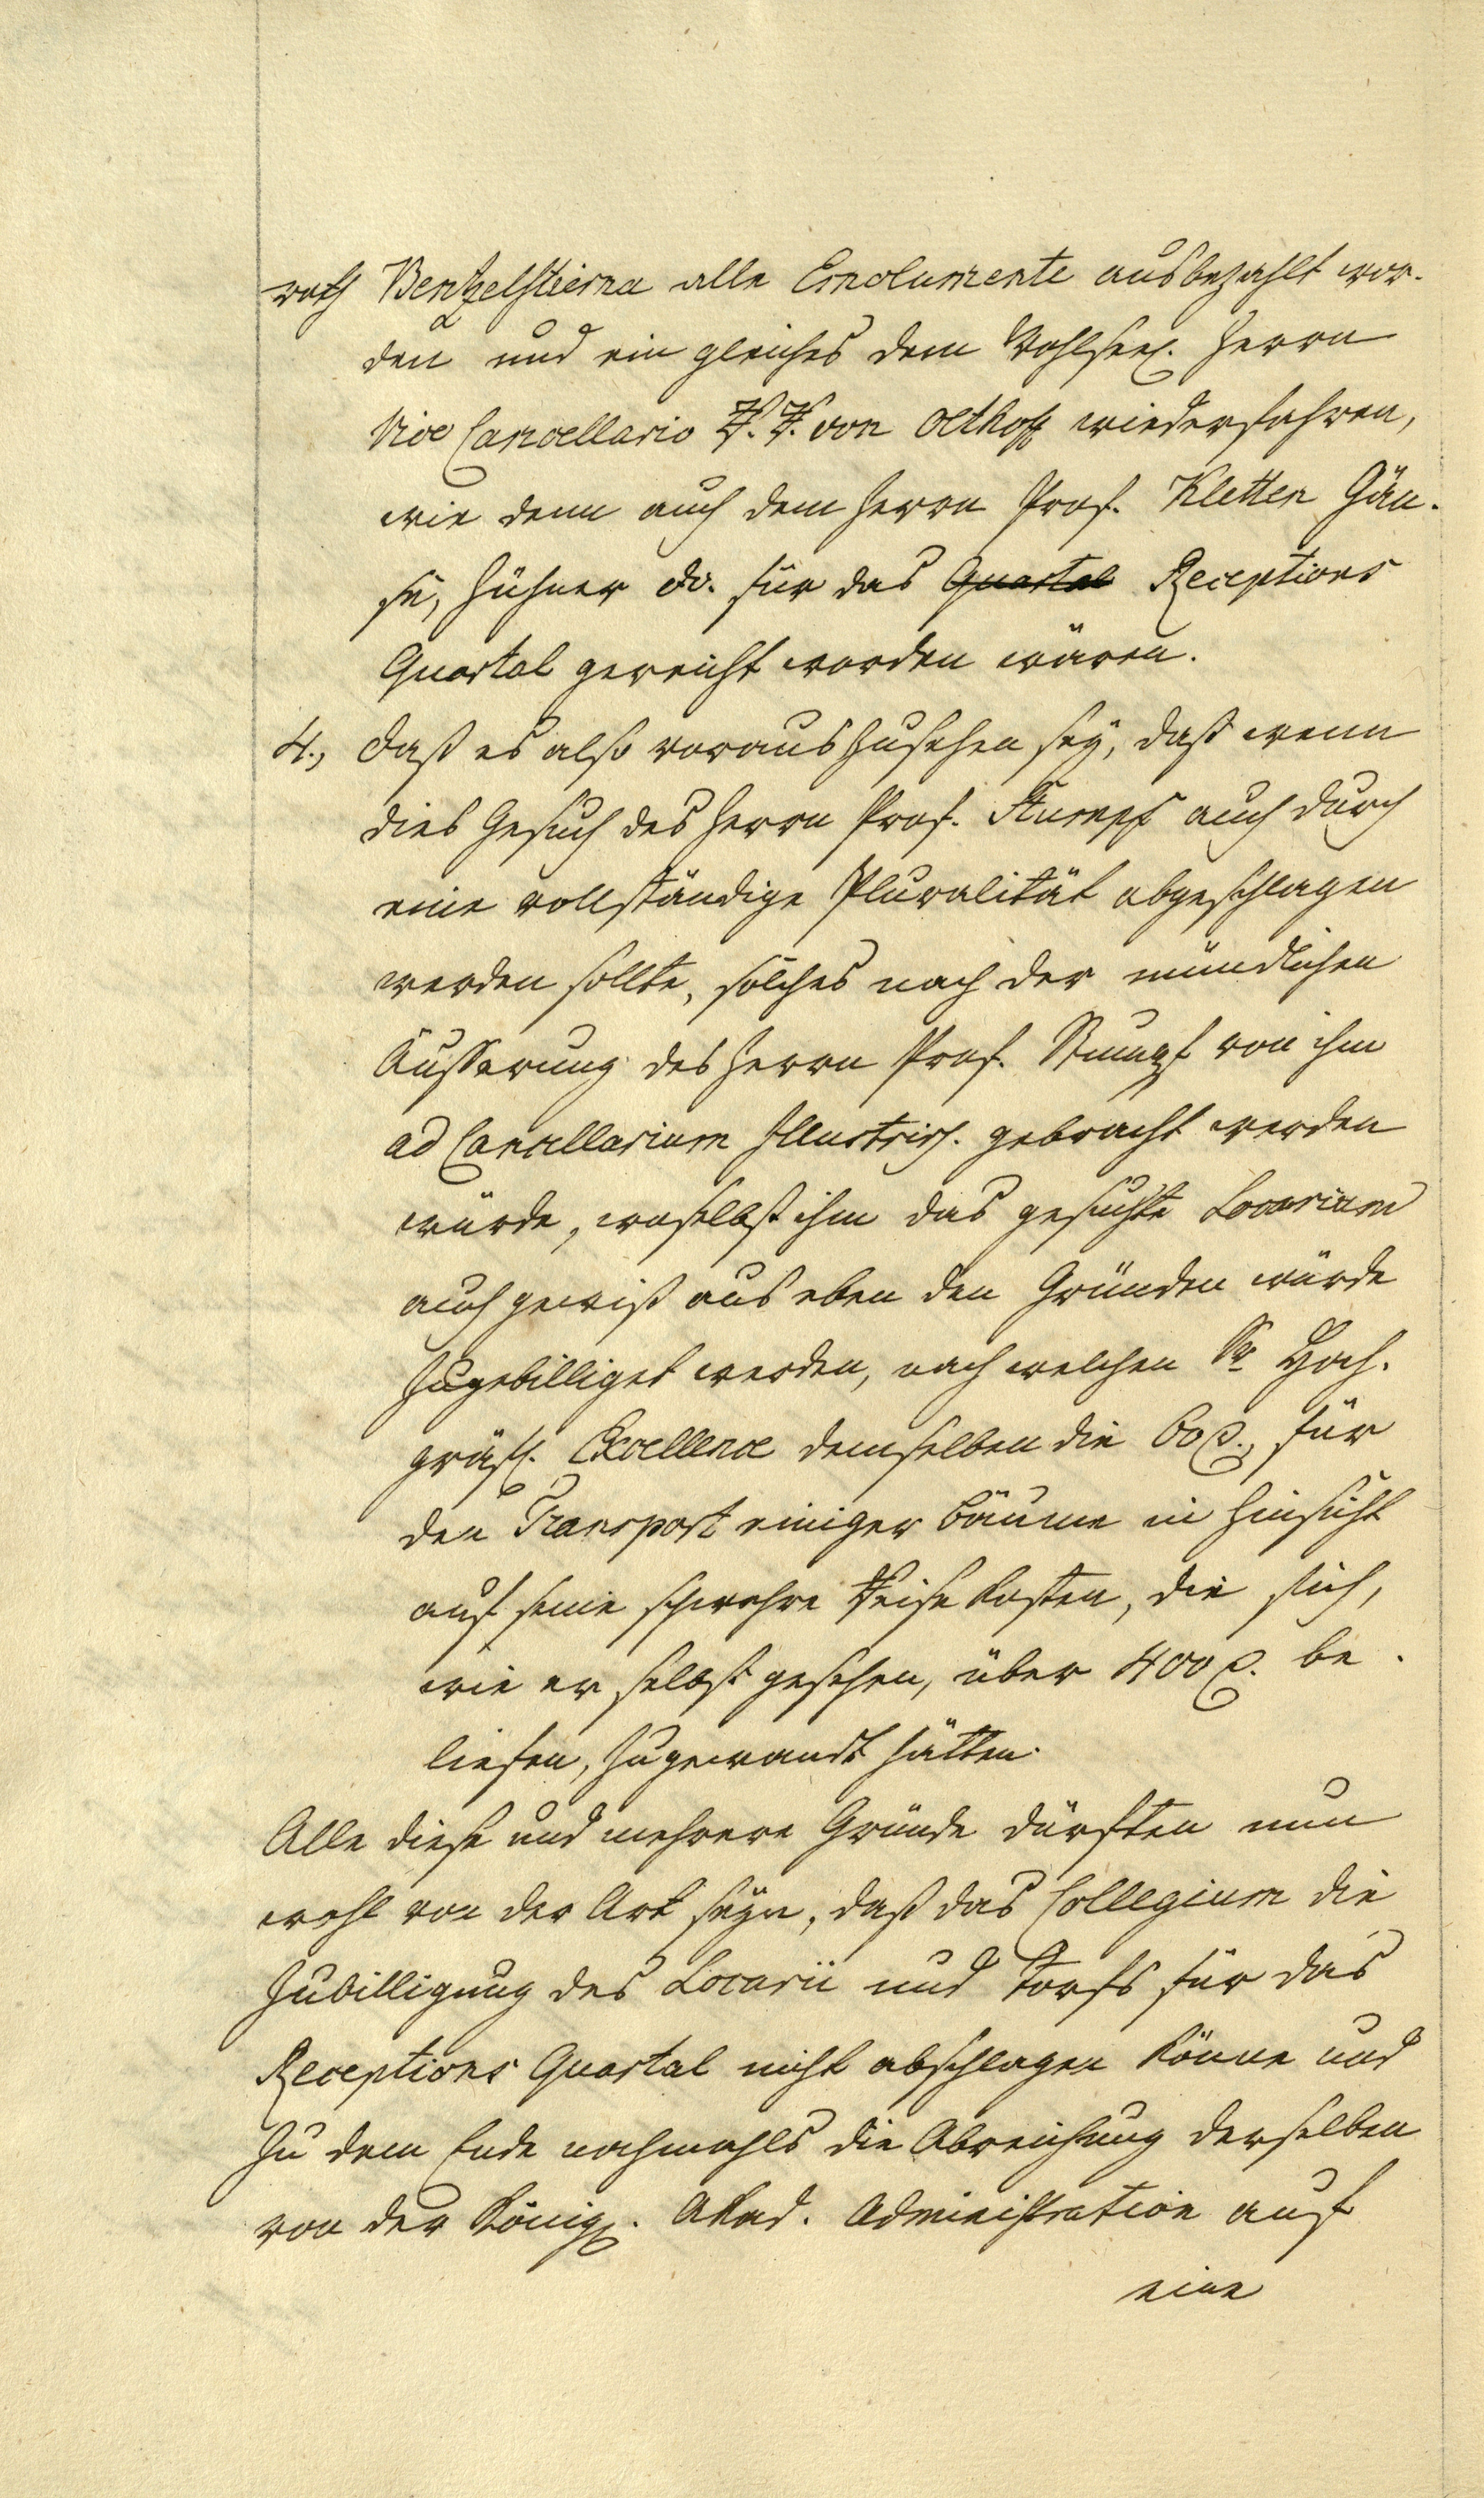rath Bentzelstierna alle Emolumente aus bezahlt wor¬
den und ein gleiches dem Wohlseel. Herrn
Vice Cancellario R. R von Olthoff wiederfahren,
wie denn auch dem Herrn Prof. Kletten Gän-
se, Hühner etc. für das Quartal Receptions
Quartal gereicht worden wären.
4., Daß es also vorauszusehen seÿ, daß wenn
dies Gesuch des Herrn Prof. Stumpf auch durch
eine vollständige Pluralität abgeschlagen
werden sollte, solches nach der mündlichen
Äusserung des Herrn Prof. Stumpf von ihm
ad Cancellarium Illustriss. gebracht werden
würde, woselbst ihm das gesuchte Locarium
auch gewiß aus eben den Gründen würde
zugebilliget werden, nach welchen Sr Hoch¬
gräfl. Excellence demselben die 60 l., für
den Transport einiger Bäume in Hinsicht
auf seine schwehre Reise kosten, die sich,
wie er selbst gesehen, über 400 l. be¬
liefen, zugewandt hätten.
Alle diese und mehrere Gründe dürften nun
wohl von der Art seÿn, daß das Collegium die
Zubilligung des Locarii und Torfs für das
Receptions Quartal nicht abschlagen könne und
zu dem Ende nochmahls die Abreichung derselben
von der Königl. Akad. Administration auf
eine